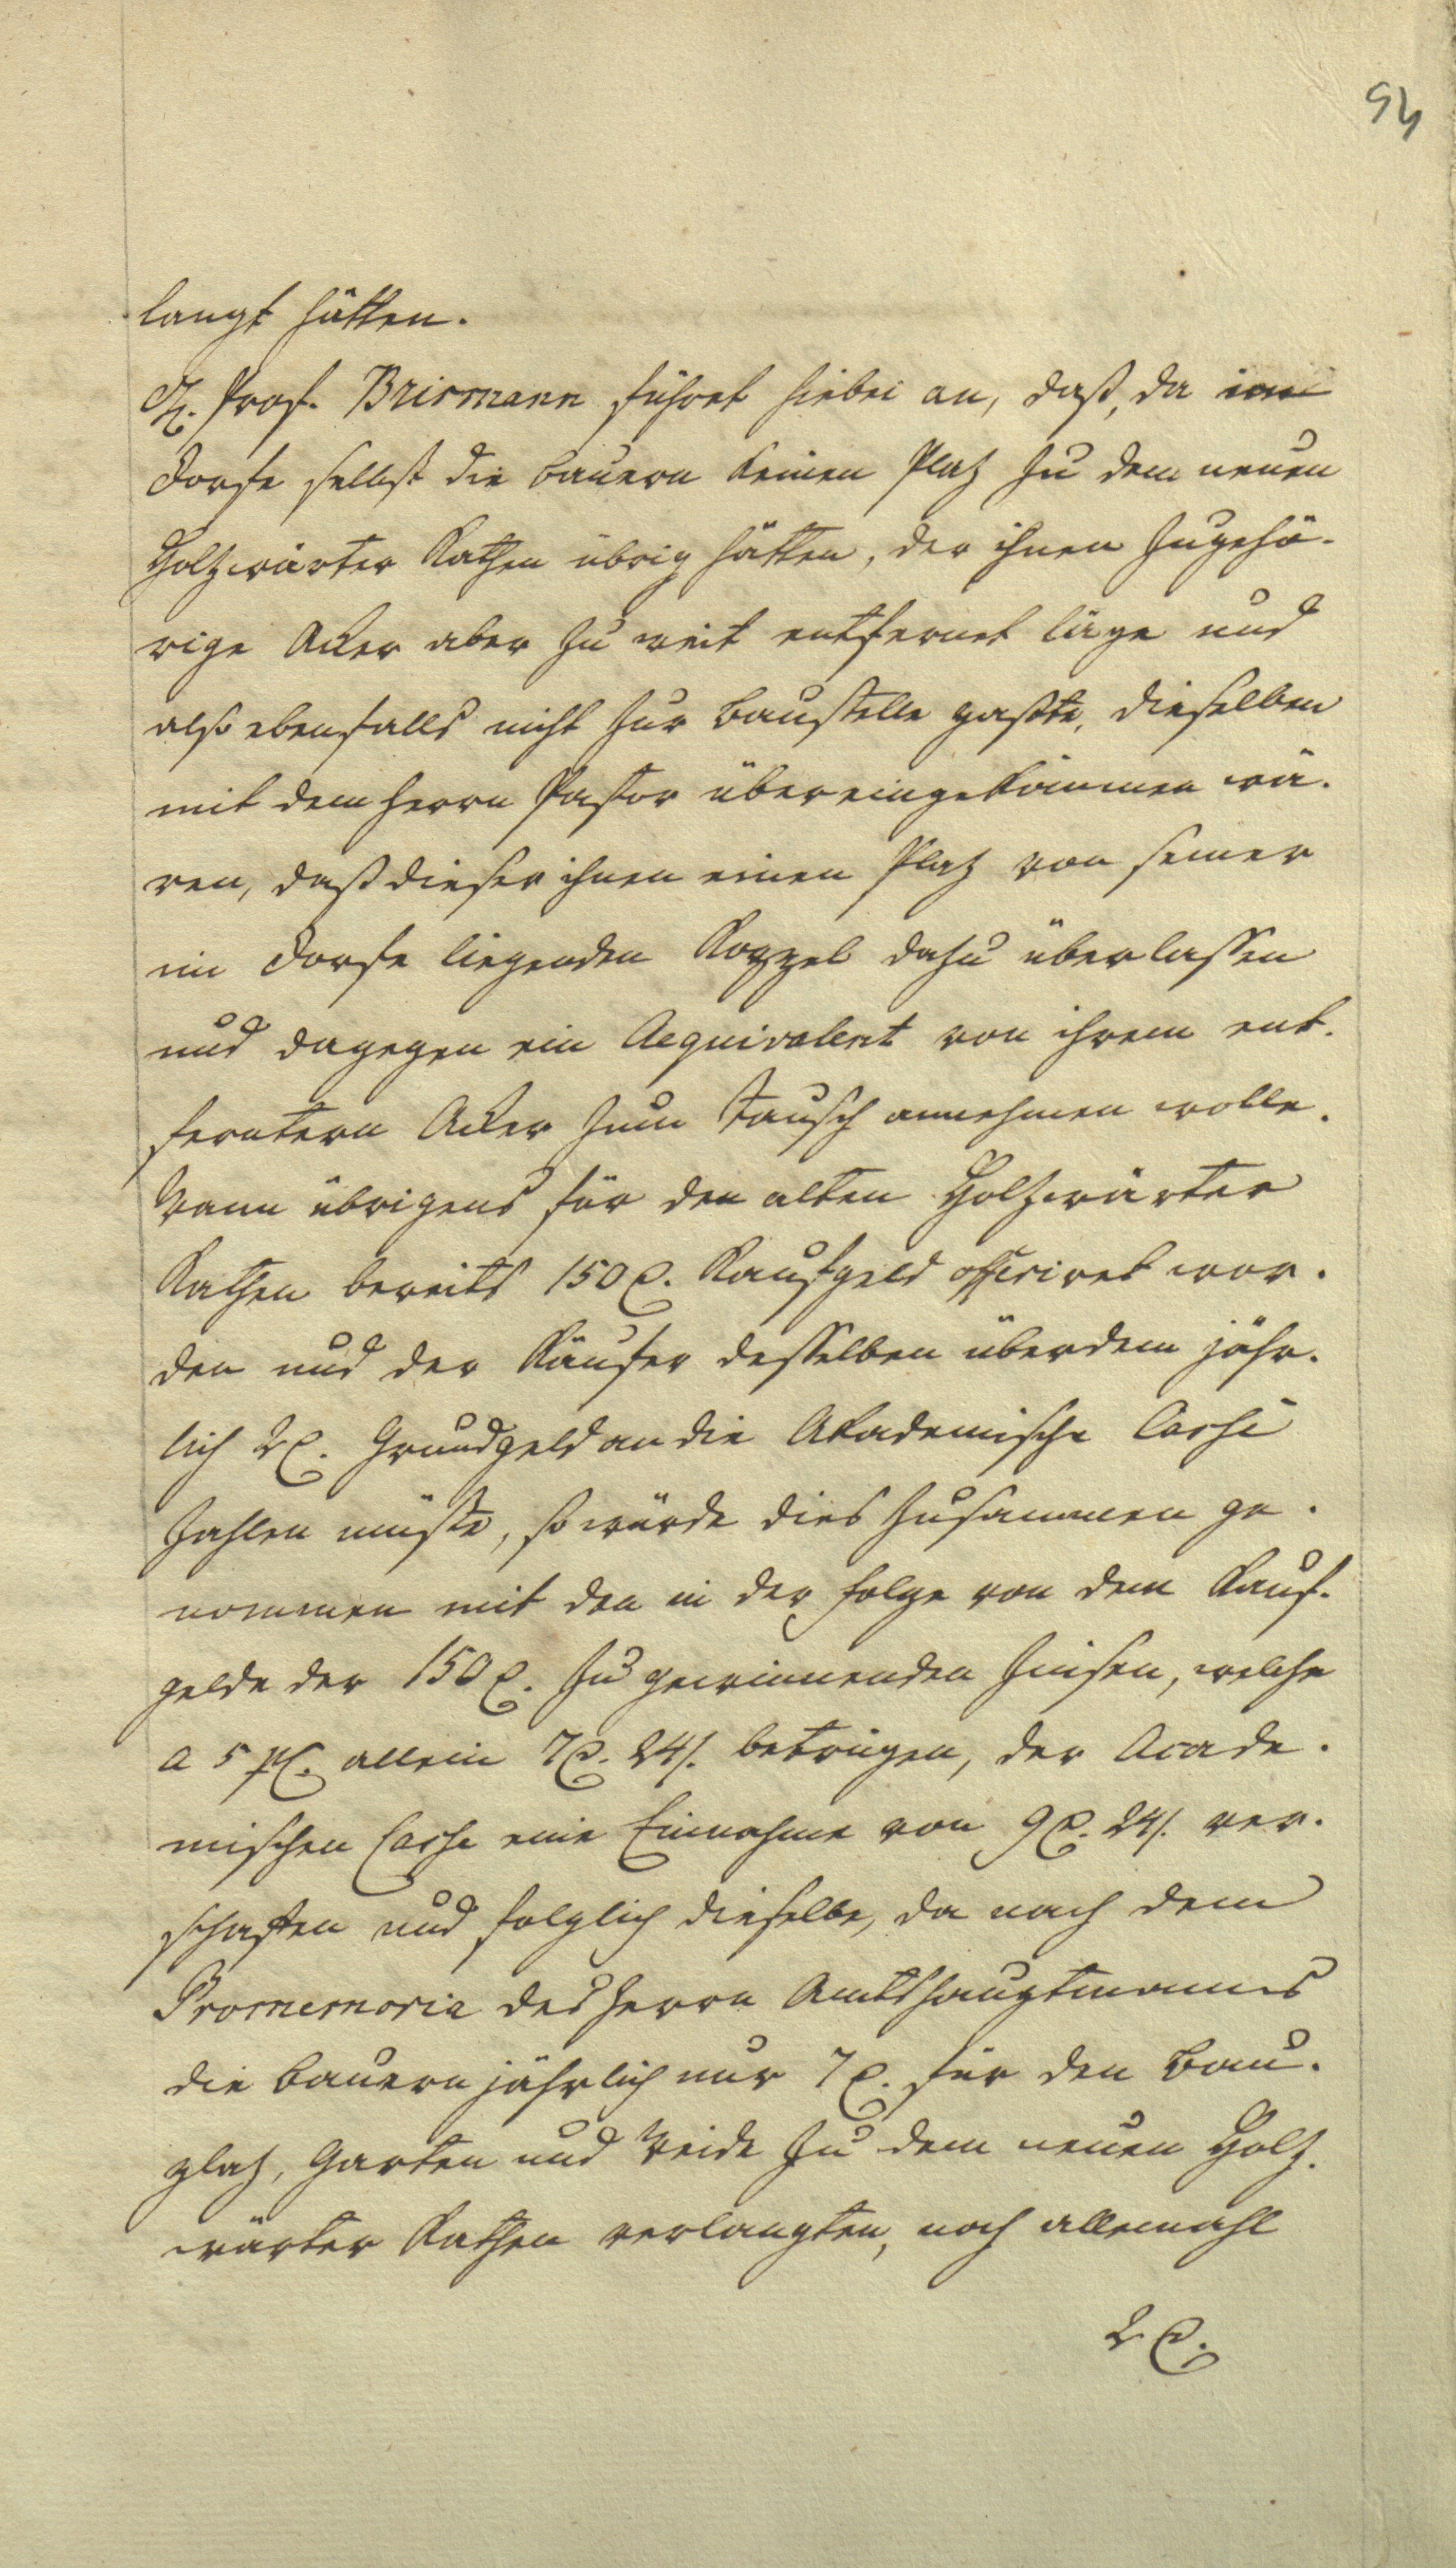langt hätten.
dh. Prof. Brismann führet hiebei an, daß, da im
Dorfe selbst die Bauern keinen Platz zu dem neuen
Holzwärter Kathen übrig hätten, der ihnen zugehö¬
rige Acker aber zu weit entfernet läge und
also ebenfalls nicht zur Baustelle paßte, dieselben
mit dem Herrn Pastor übereingekommen wä¬
ren, daß dieser ihnen einen Platz von seiner
im Dorfe liegenden Koppel dazu überlassen
und dagegen ein Aequivalent von ihrem ent¬
ferntern Acker zum Tausch annehmen wolle.
Wann übrigens für den alten Holzwärter
Kathen bereits 150 l. Kaufgeld offeriret wor¬
den und der Käufer desselben überdem jähr¬
lich 2 l. Grundgeld an die Akademische Casse
zahlen müßte, so würde dies zusammen ge¬
nommen mit den in der Folge von dem Kauf¬
Gelde der 150 l. zu gewinnenden Zinsen, welche
a 5 pl. allein 7 l. 24 s. betrügen, der Acade¬
mischen Casse eine Einnahme von 9 l. 24 s. ver¬
schaffen und folglich dieselbe, da nach dem
Promemoria des Herrn Amtshauptmanns
die Bauern jährlich nur 7 l. für den Bau¬
plaz, Garten und Weide zu dem neuen Holz¬
wärter Kathen verlangten, noch allemahl
2 l.